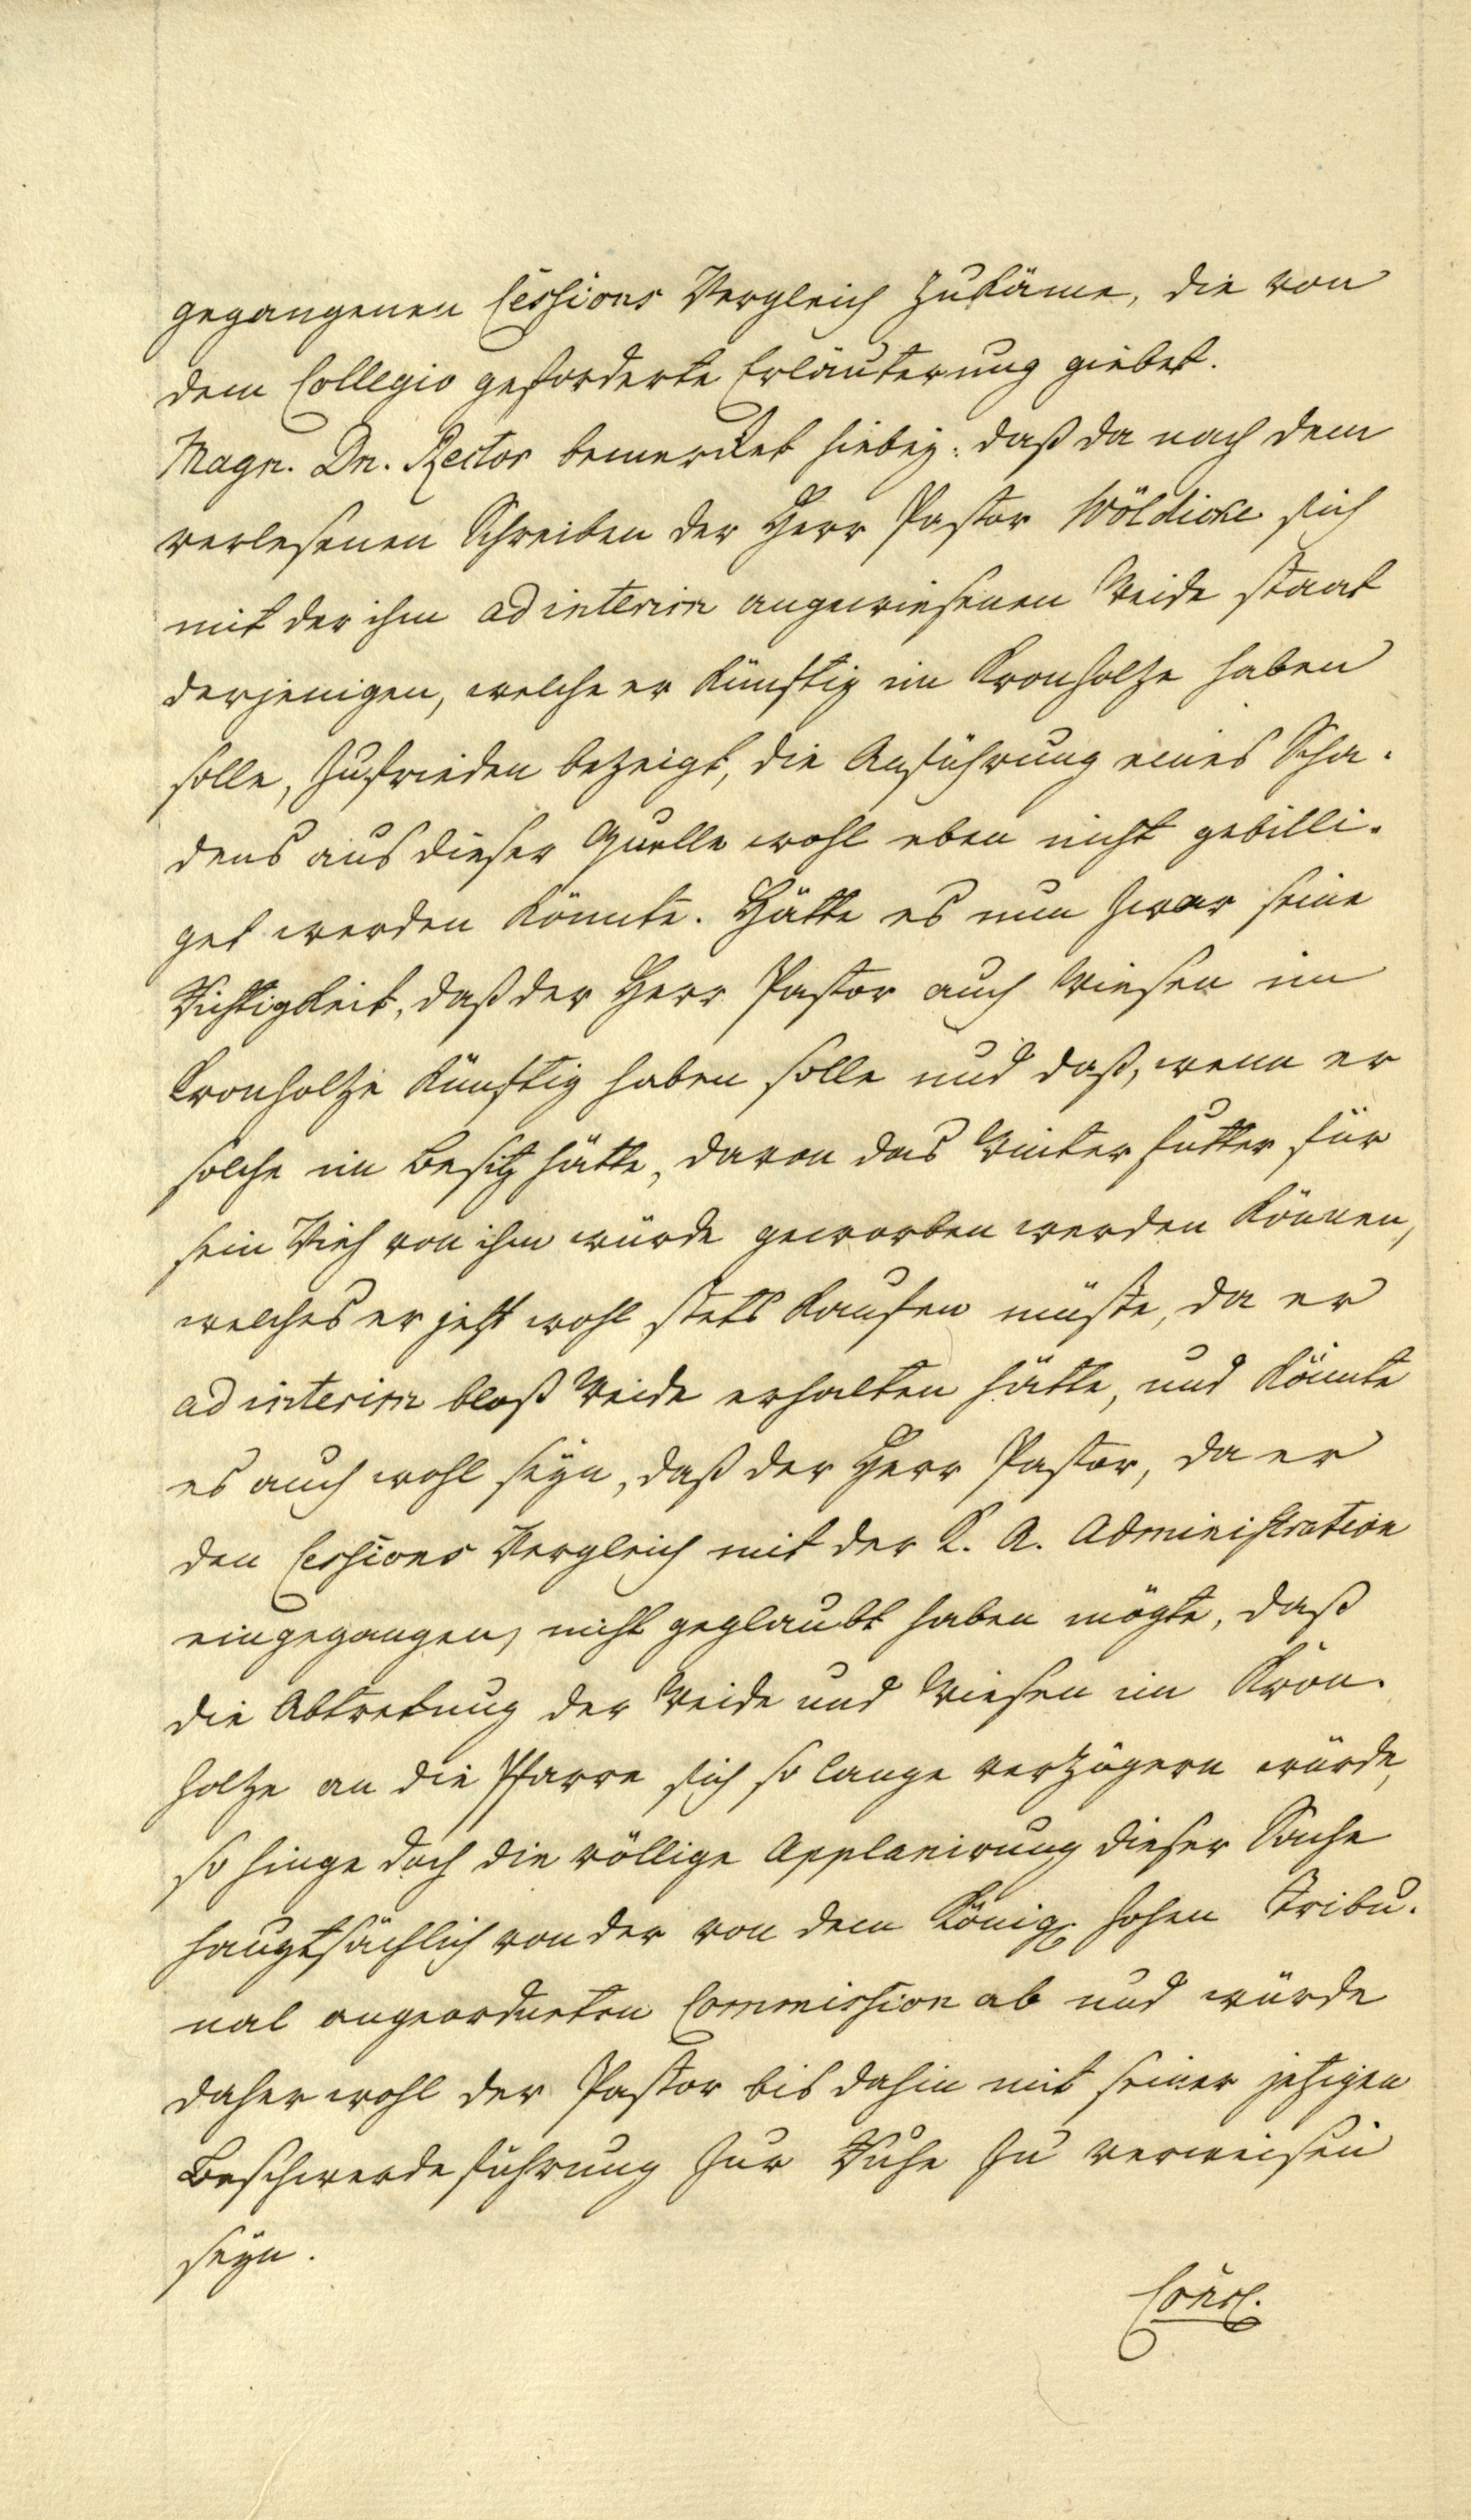gegangenen Cessions Vergleich zukäme, die von
dem Collegio geforderte Erläuterung giebet.
Magn. Dn. Rector bemercket hiebeÿ, daß da nach dem
verlesenen Schreiben der Herr Pastor Wöldicke sich
mit der ihm ad interim angewiesenen Weide staat
derjenigen, welche er künftig in Kronholze haben
solle, zufrieden bezeigt, die Anführung eines Scha¬
dens aus dieser Quelle wohl eben nicht gebilli¬
get werden könnte. Hätte es nun zwar seine
Richtigkeit, daß der Herr Pastor auch Wiesen im
Kronholze künftig haben solle und daß, wenn er
solche im Besitz hätte, davon das Winter futter für
sein Vieh von ihm würde geworben werden können,
welches er jetzt wohl stets kaufen müßte, da er
ad interim bloß Weide erhalten hätte, und könnte
es auch wohl seÿn, daß der Herr Pastor, da er
den Cessions Vergleich mit der K. A. Administration
eingegangen, nicht geglaubt haben mögte, daß
die Abtretung der Weide und Wiesen im Kron¬
Holze an die Pfarre sich so lange verzögern würde,
so hinge doch die völlige Applanirung dieser Sache
hauptsächlich von der von dem Königl. hohen Tribu¬
nal angeordneten Commission ab und würde
daher wohl der Pastor bis dahin mit seiner jetzigen
Beschwerde führung zur Ruhe zu verweisen
seÿn.
Concl.